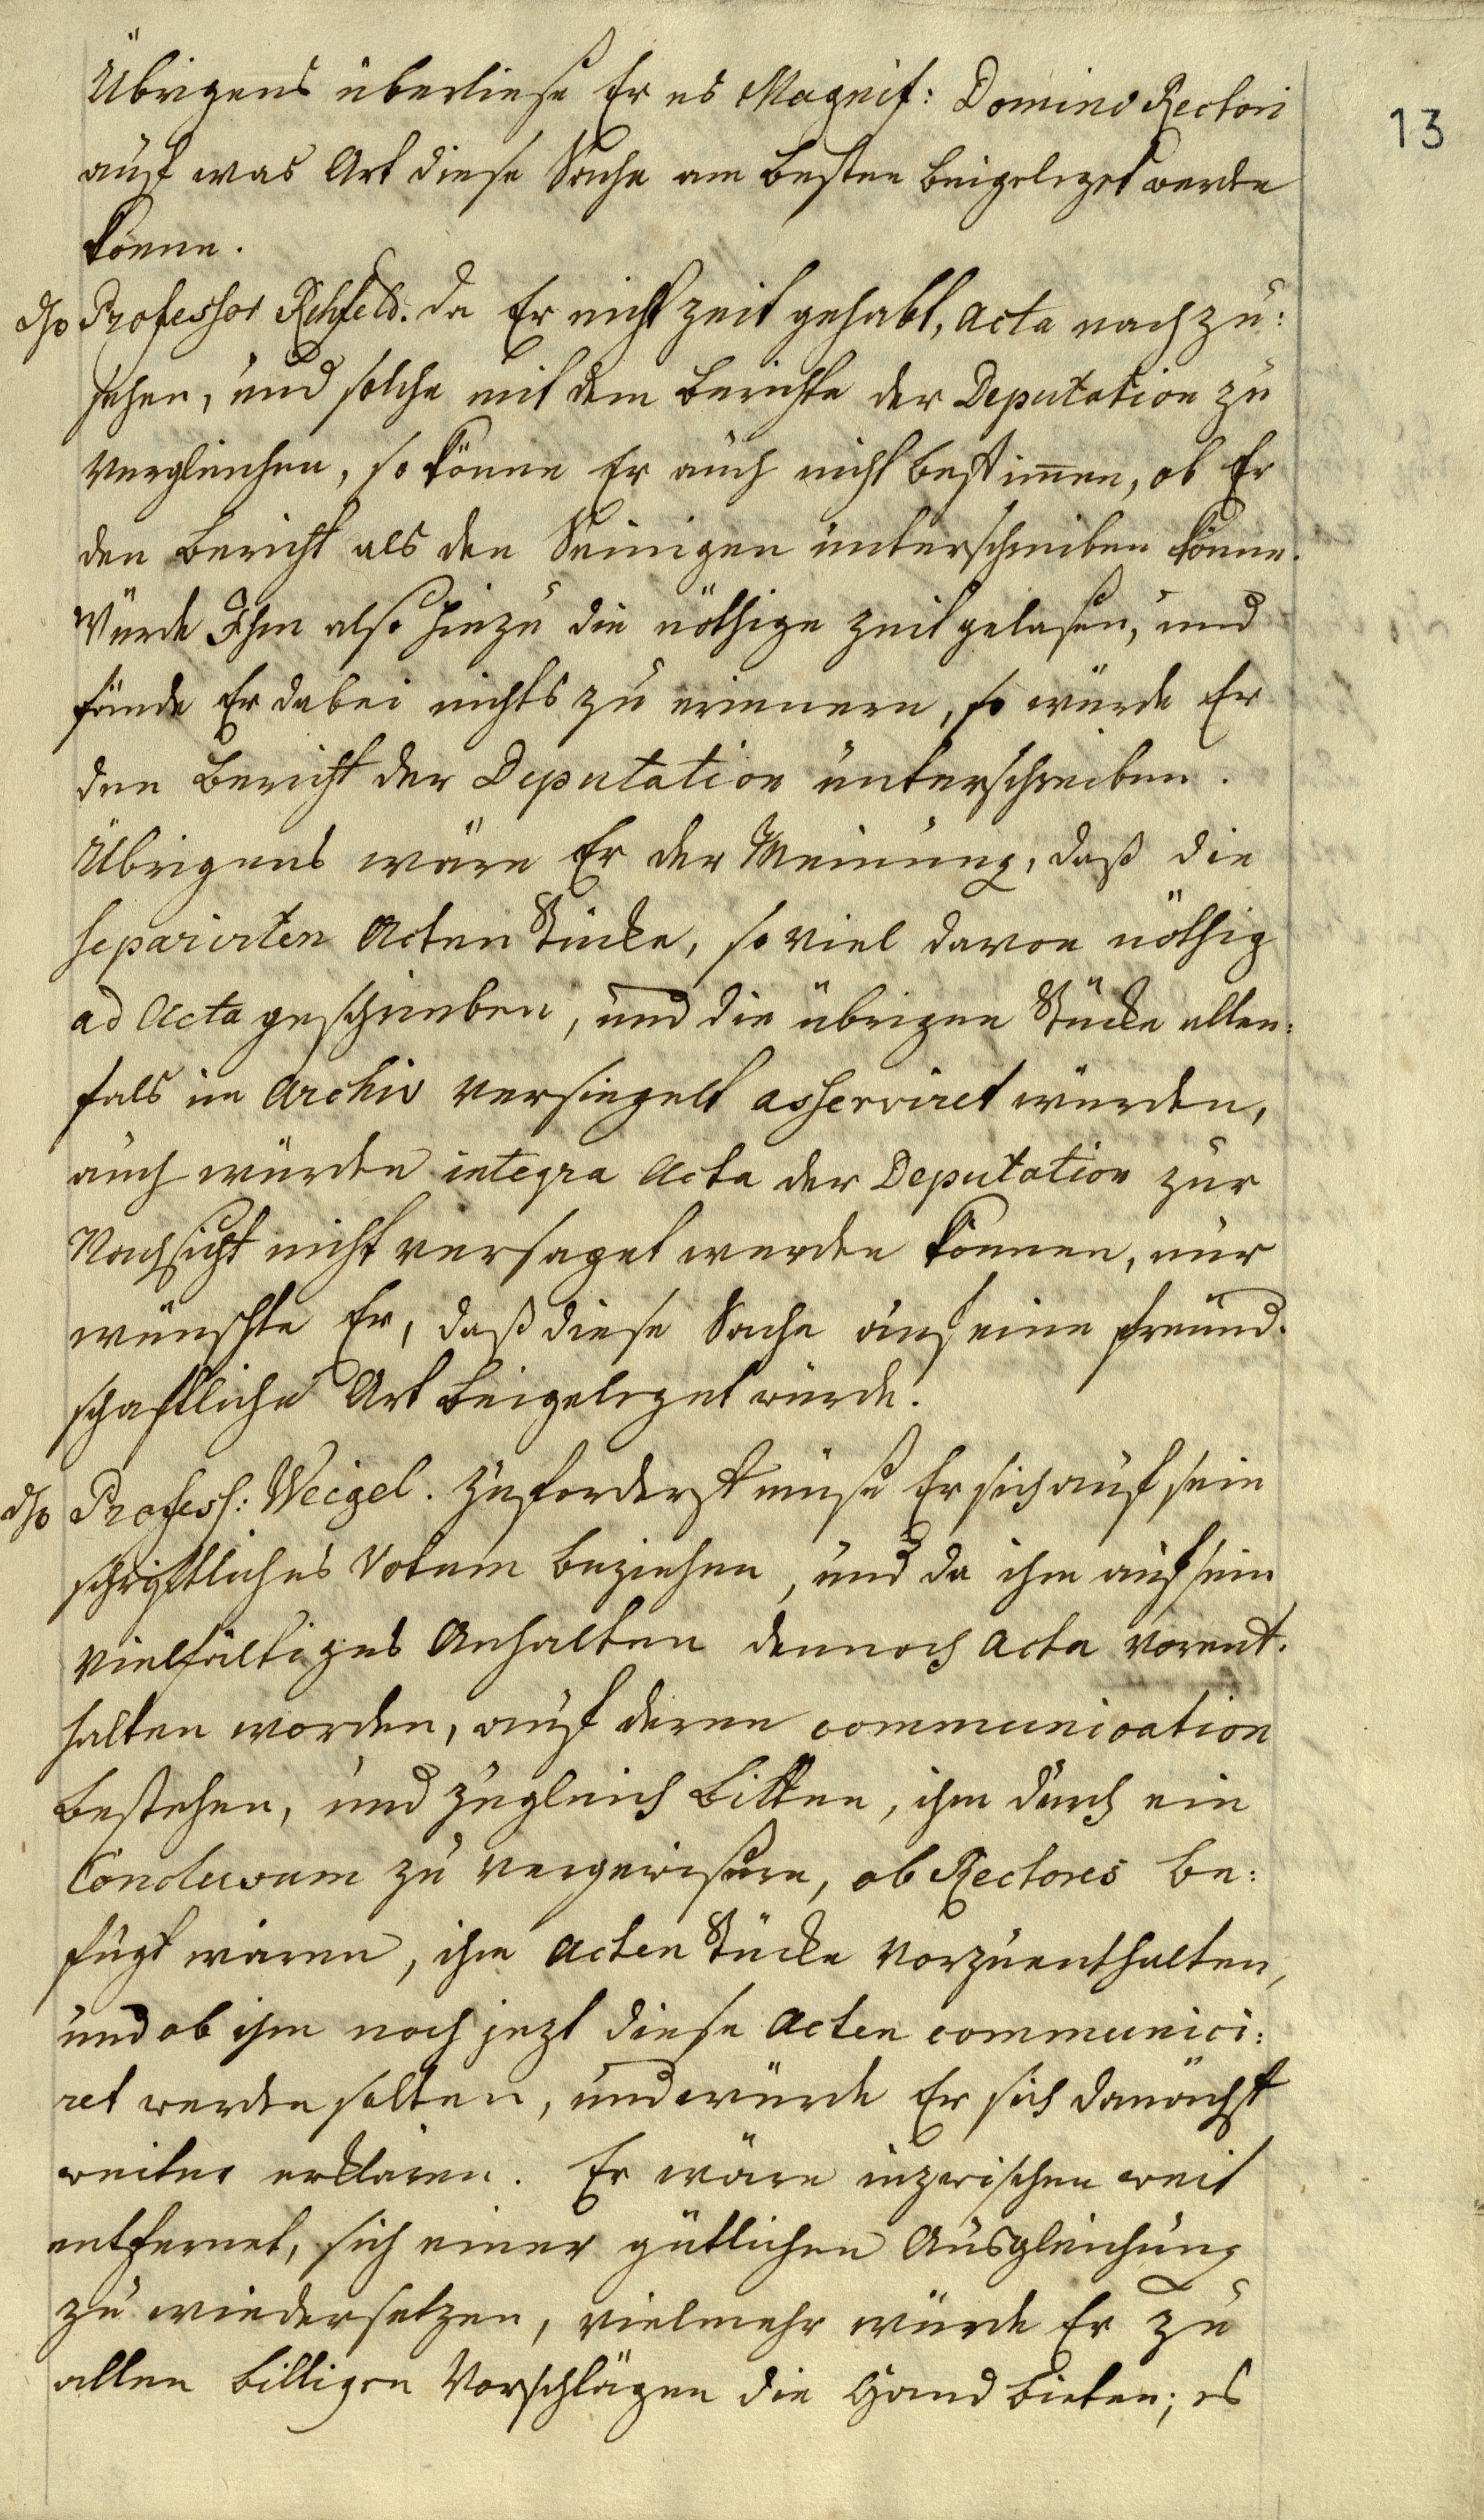Übrigens überließe Er es Magnif: Domino Rector
auf was Art diese Sache am besten beigeleget werden
könne.
dh Professor Rehfeld. da Er nicht zeit gehabt, acta nachzu¬
sehen, und solche mit dem Berichte der Deputation zu
vergleichen, so könne Er auch nicht bestimen, ob Er
den Bericht als den Seinigen unterschreiben könne.
Würde Ihm also hiezu die nöthige Zeit gelaßen, und
fände Er dabei nichts zu erinnern, so würde Er
den Bericht der Deputation unterschreiben.
Übrigens wäre Er der Meinung, daß die
separirten Acten Stücke, so viel davon nöthig
ad Acta geschrieben, und die übrigen Stücke allen¬
fals im Archiv versiegelt asserviret würden,
auch würden integra Acta der Deputation zur
Nachsicht nicht versaget werden können, nur
wünschte Er, daß diese Sache auf eine freund¬
schaftliche Art beigeleget würde.
dh Profess: Weigel. Zuforderst müße Er sich auf sein
schriftliches Votum beziehen, und da ihm auf sein
vielfältiges Anhalten dennoch Acta vorent¬
halten worden, auf deren communication
bestehen, und zugleich bitten, ihm durch ein
Conclusum zu vergewißern, ob Rectores be¬
fugt wären, ihm Acten Stücke vorzuenthalten,
und ob ihm noch jezt diese Acten communici¬
ret werden solten, und würde Er sich danächst
witer erklären. Er wäre inzwischen weit
entfernet, sich einer gütlichen Ausgleichung
zu wiedersetzen, vielmehr würde Er zu
allen billigen Vorschlägen die Hand bieten; es